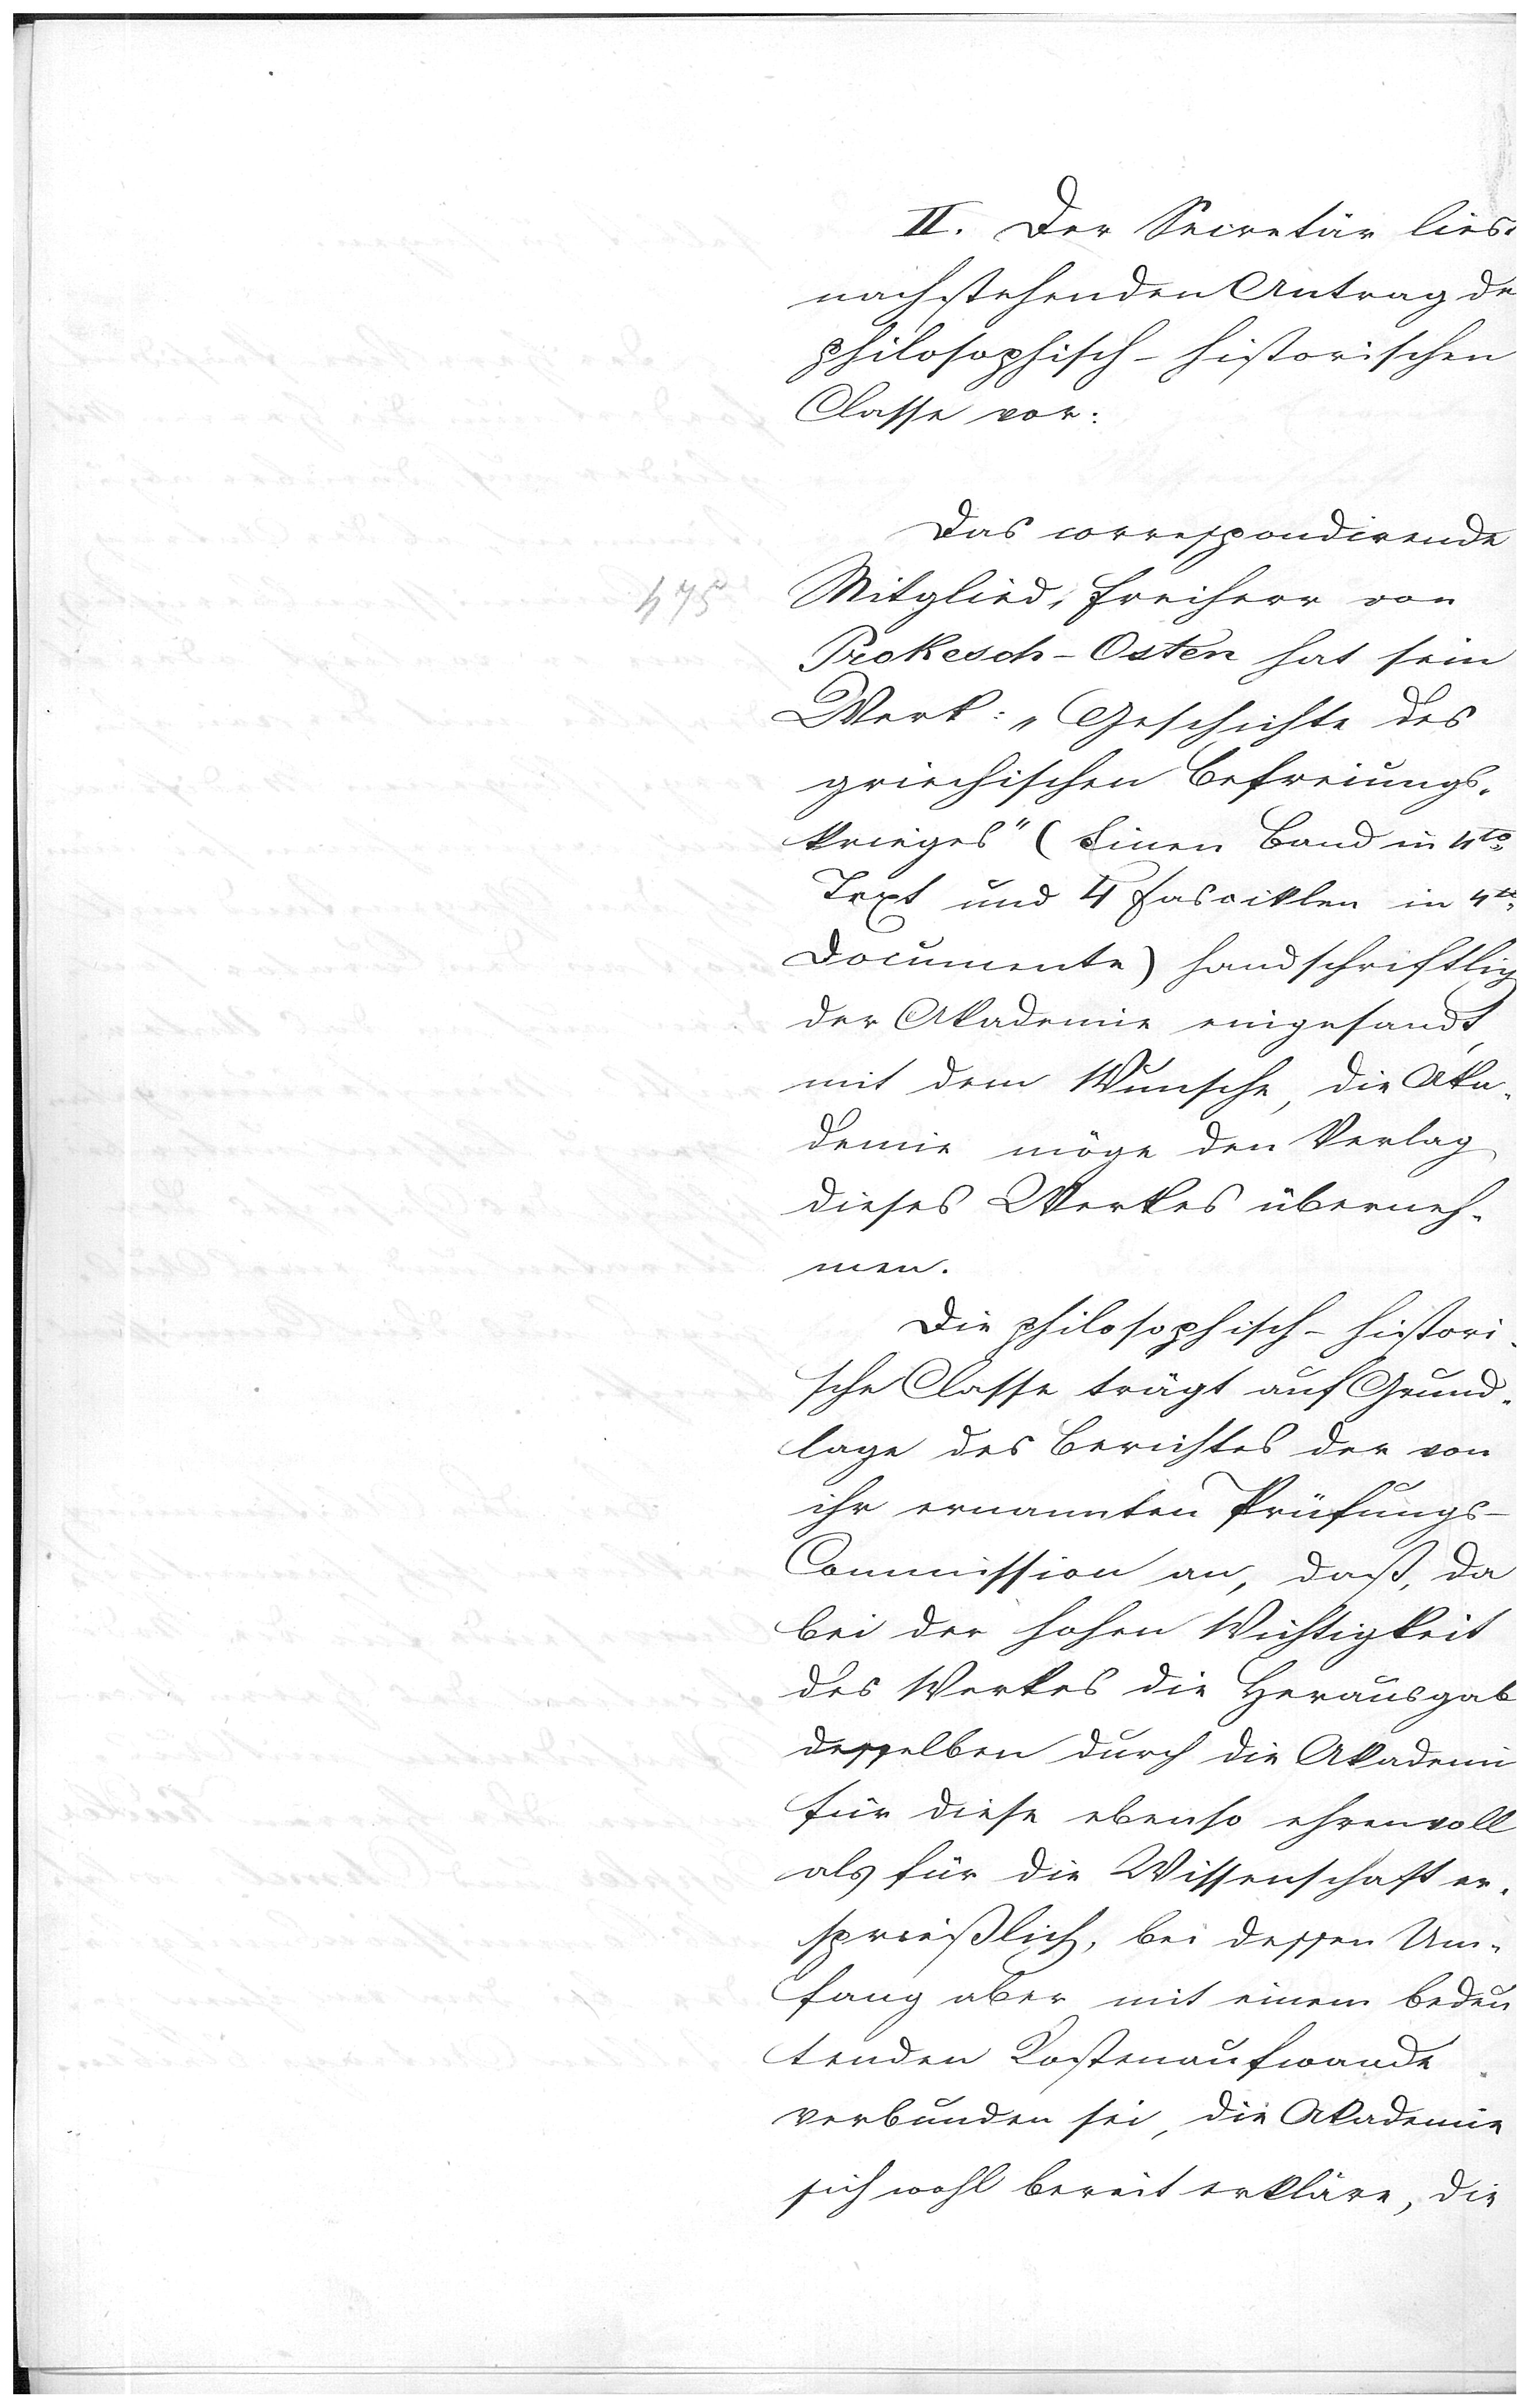II. Der Secretär liest
nachstehenden Antrag der
philosophisch-historischen
Classe vor:
Das correspondirende
Mitglied, Freiherr von
Prokesch-Osten hat sein
Werk: "Geschichte des
griechischen Befreiungs-
krieges" (Einen Band in 4to
Text und 4 Fasciklen in 4to
Documente) handschriftlich
der Akademie eingesandt,
mit dem Wunsche, die Aka-
demie möge den Verlag
dieses Werkes überneh-
men.
Die philosophisch-histori-
sche Classe trägt auf Grund-
lage des Berichtes der von
ihr ernannten Prüfungs-
Commission an, daß da
bei der hohen Wichtigkeit
des Werkes die Herausgabe
desselben durch die Akademie
für diese ebenso ehrenvoll
als für die Wissenschaft er-
sprießlich, bei dessen Um-
fang aber mit einem bedeu-
tenden Kostenaufwande
verbunden sei, die Akademie
sich wohl bereit erkläre, die